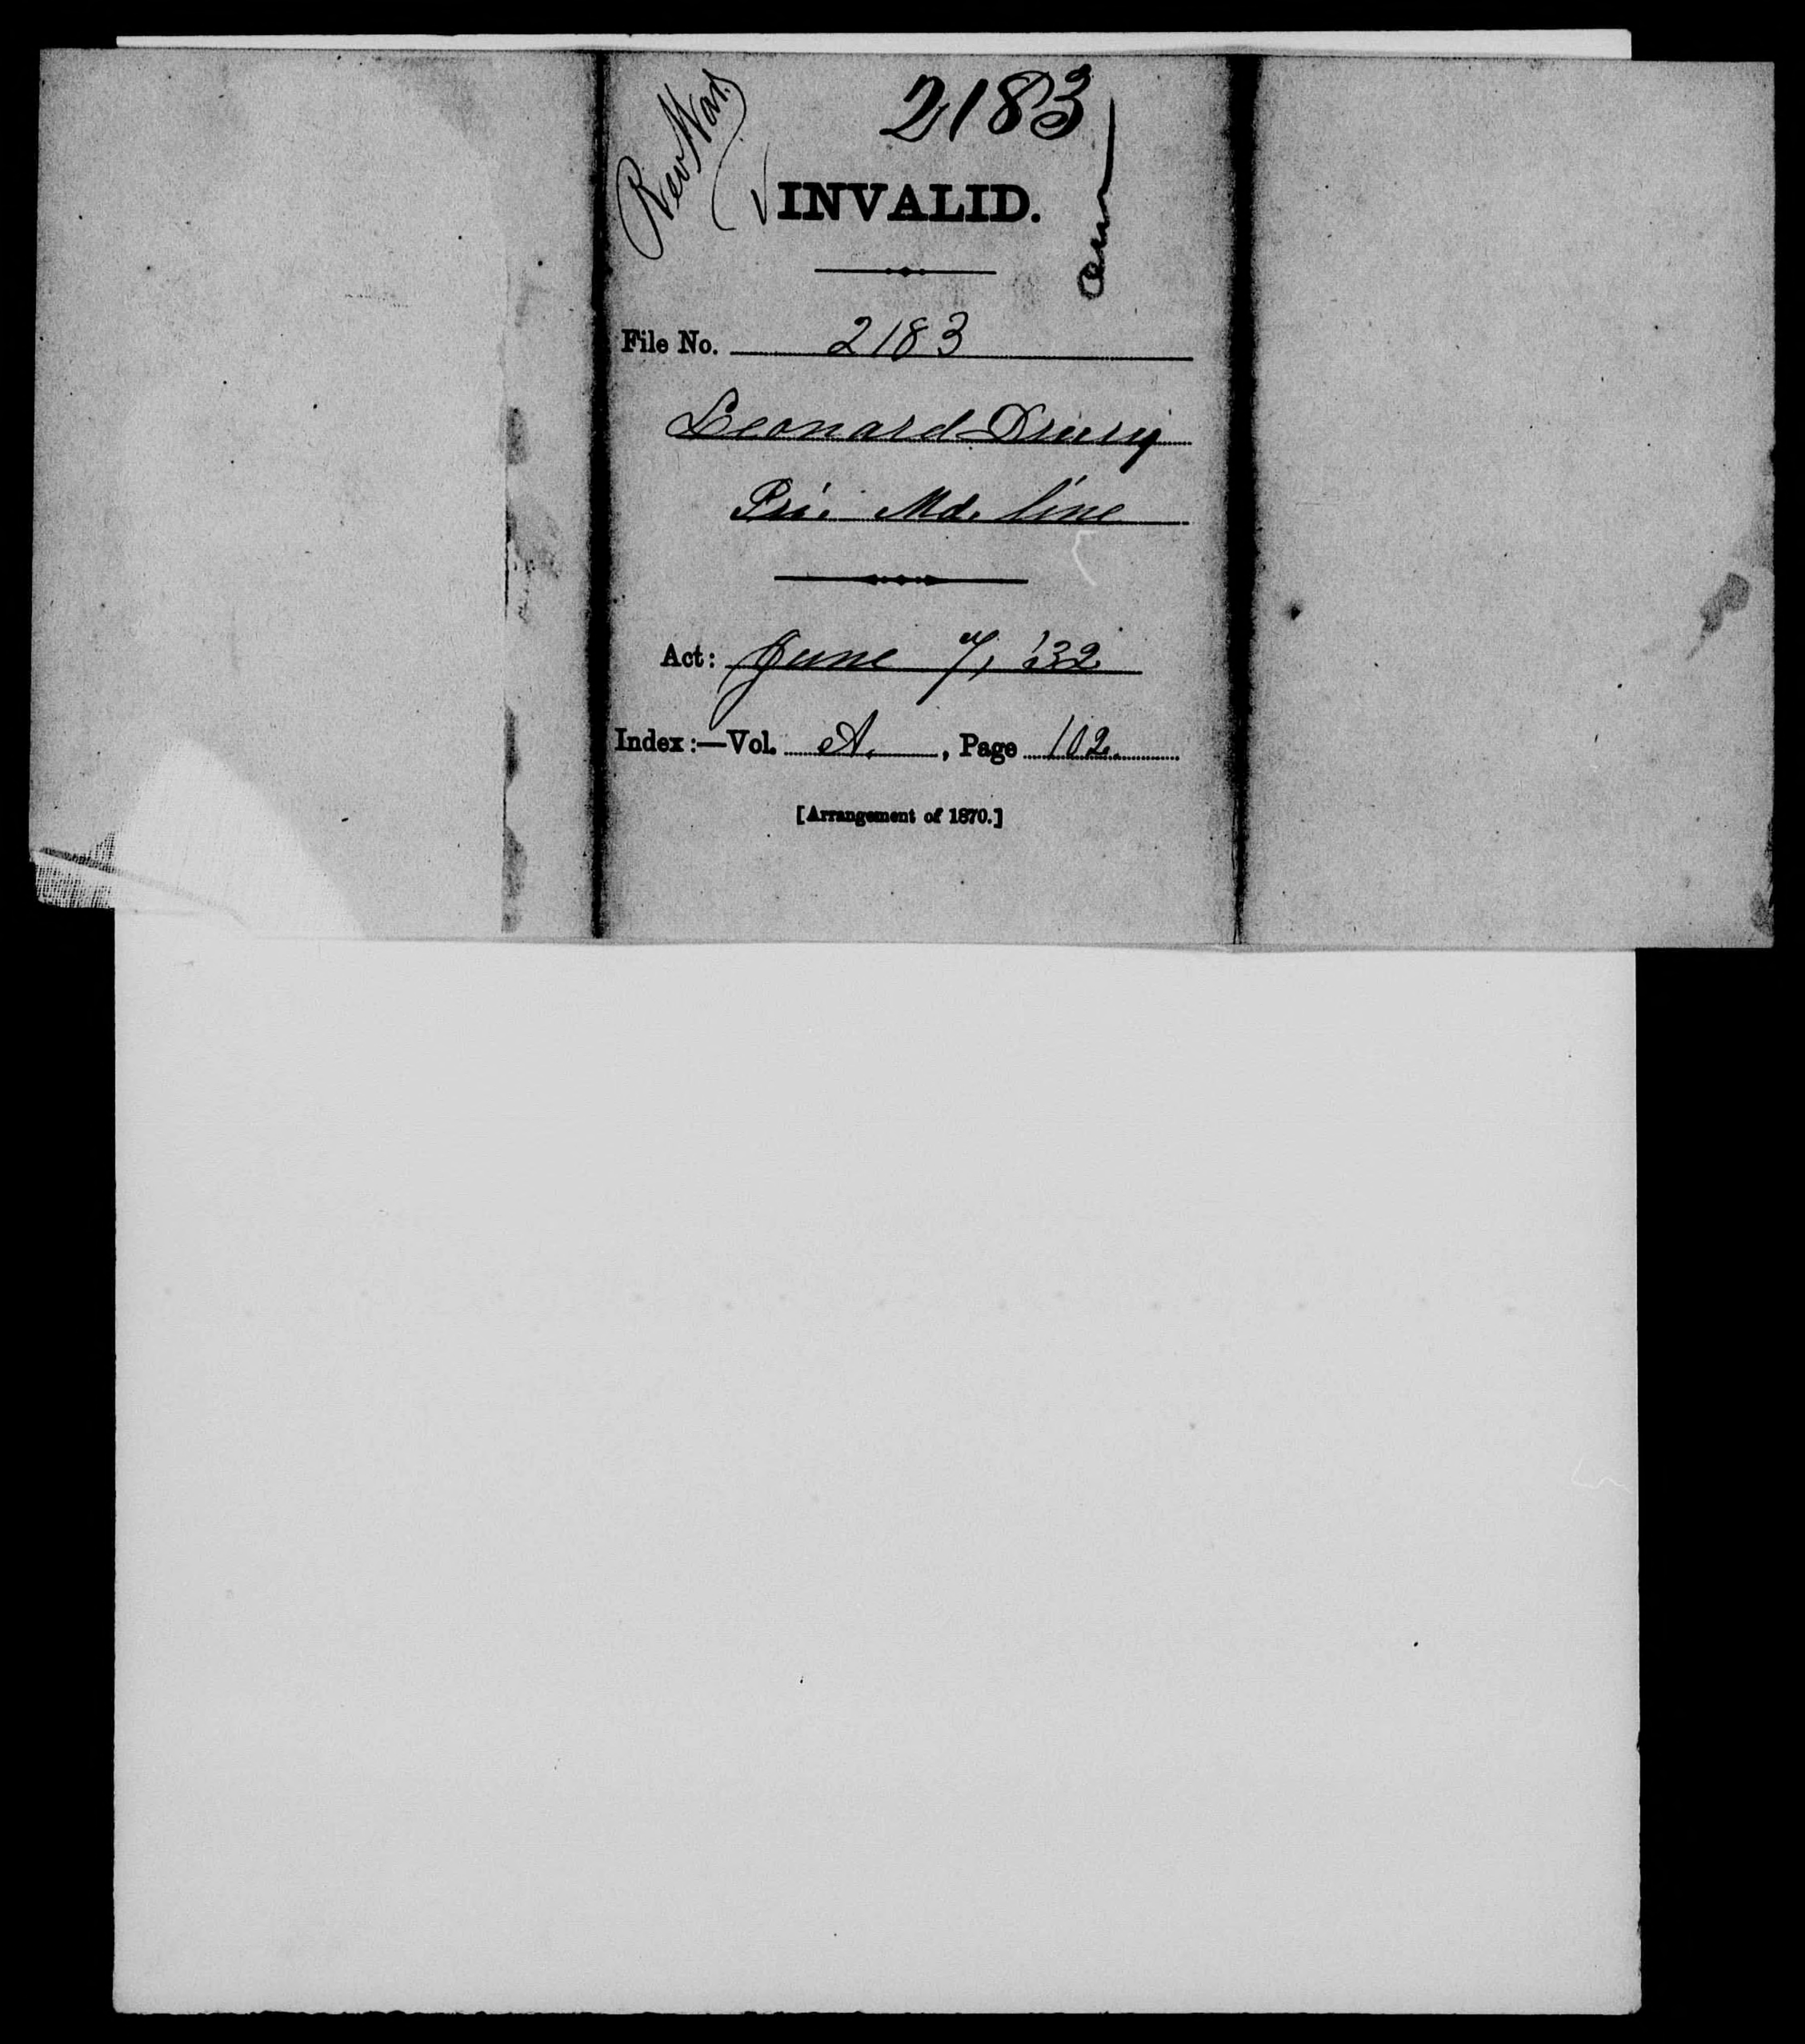2183
Revy
INVALID

File No 2183

Leonard Drury
Pri Md Line

Act: June 7, '32

Index Vol A Page 102
[Arrangement of 1870.]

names: Leonard Drury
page: 9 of 9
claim: survivor's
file: S. 2183, Leonard Drury, Md.